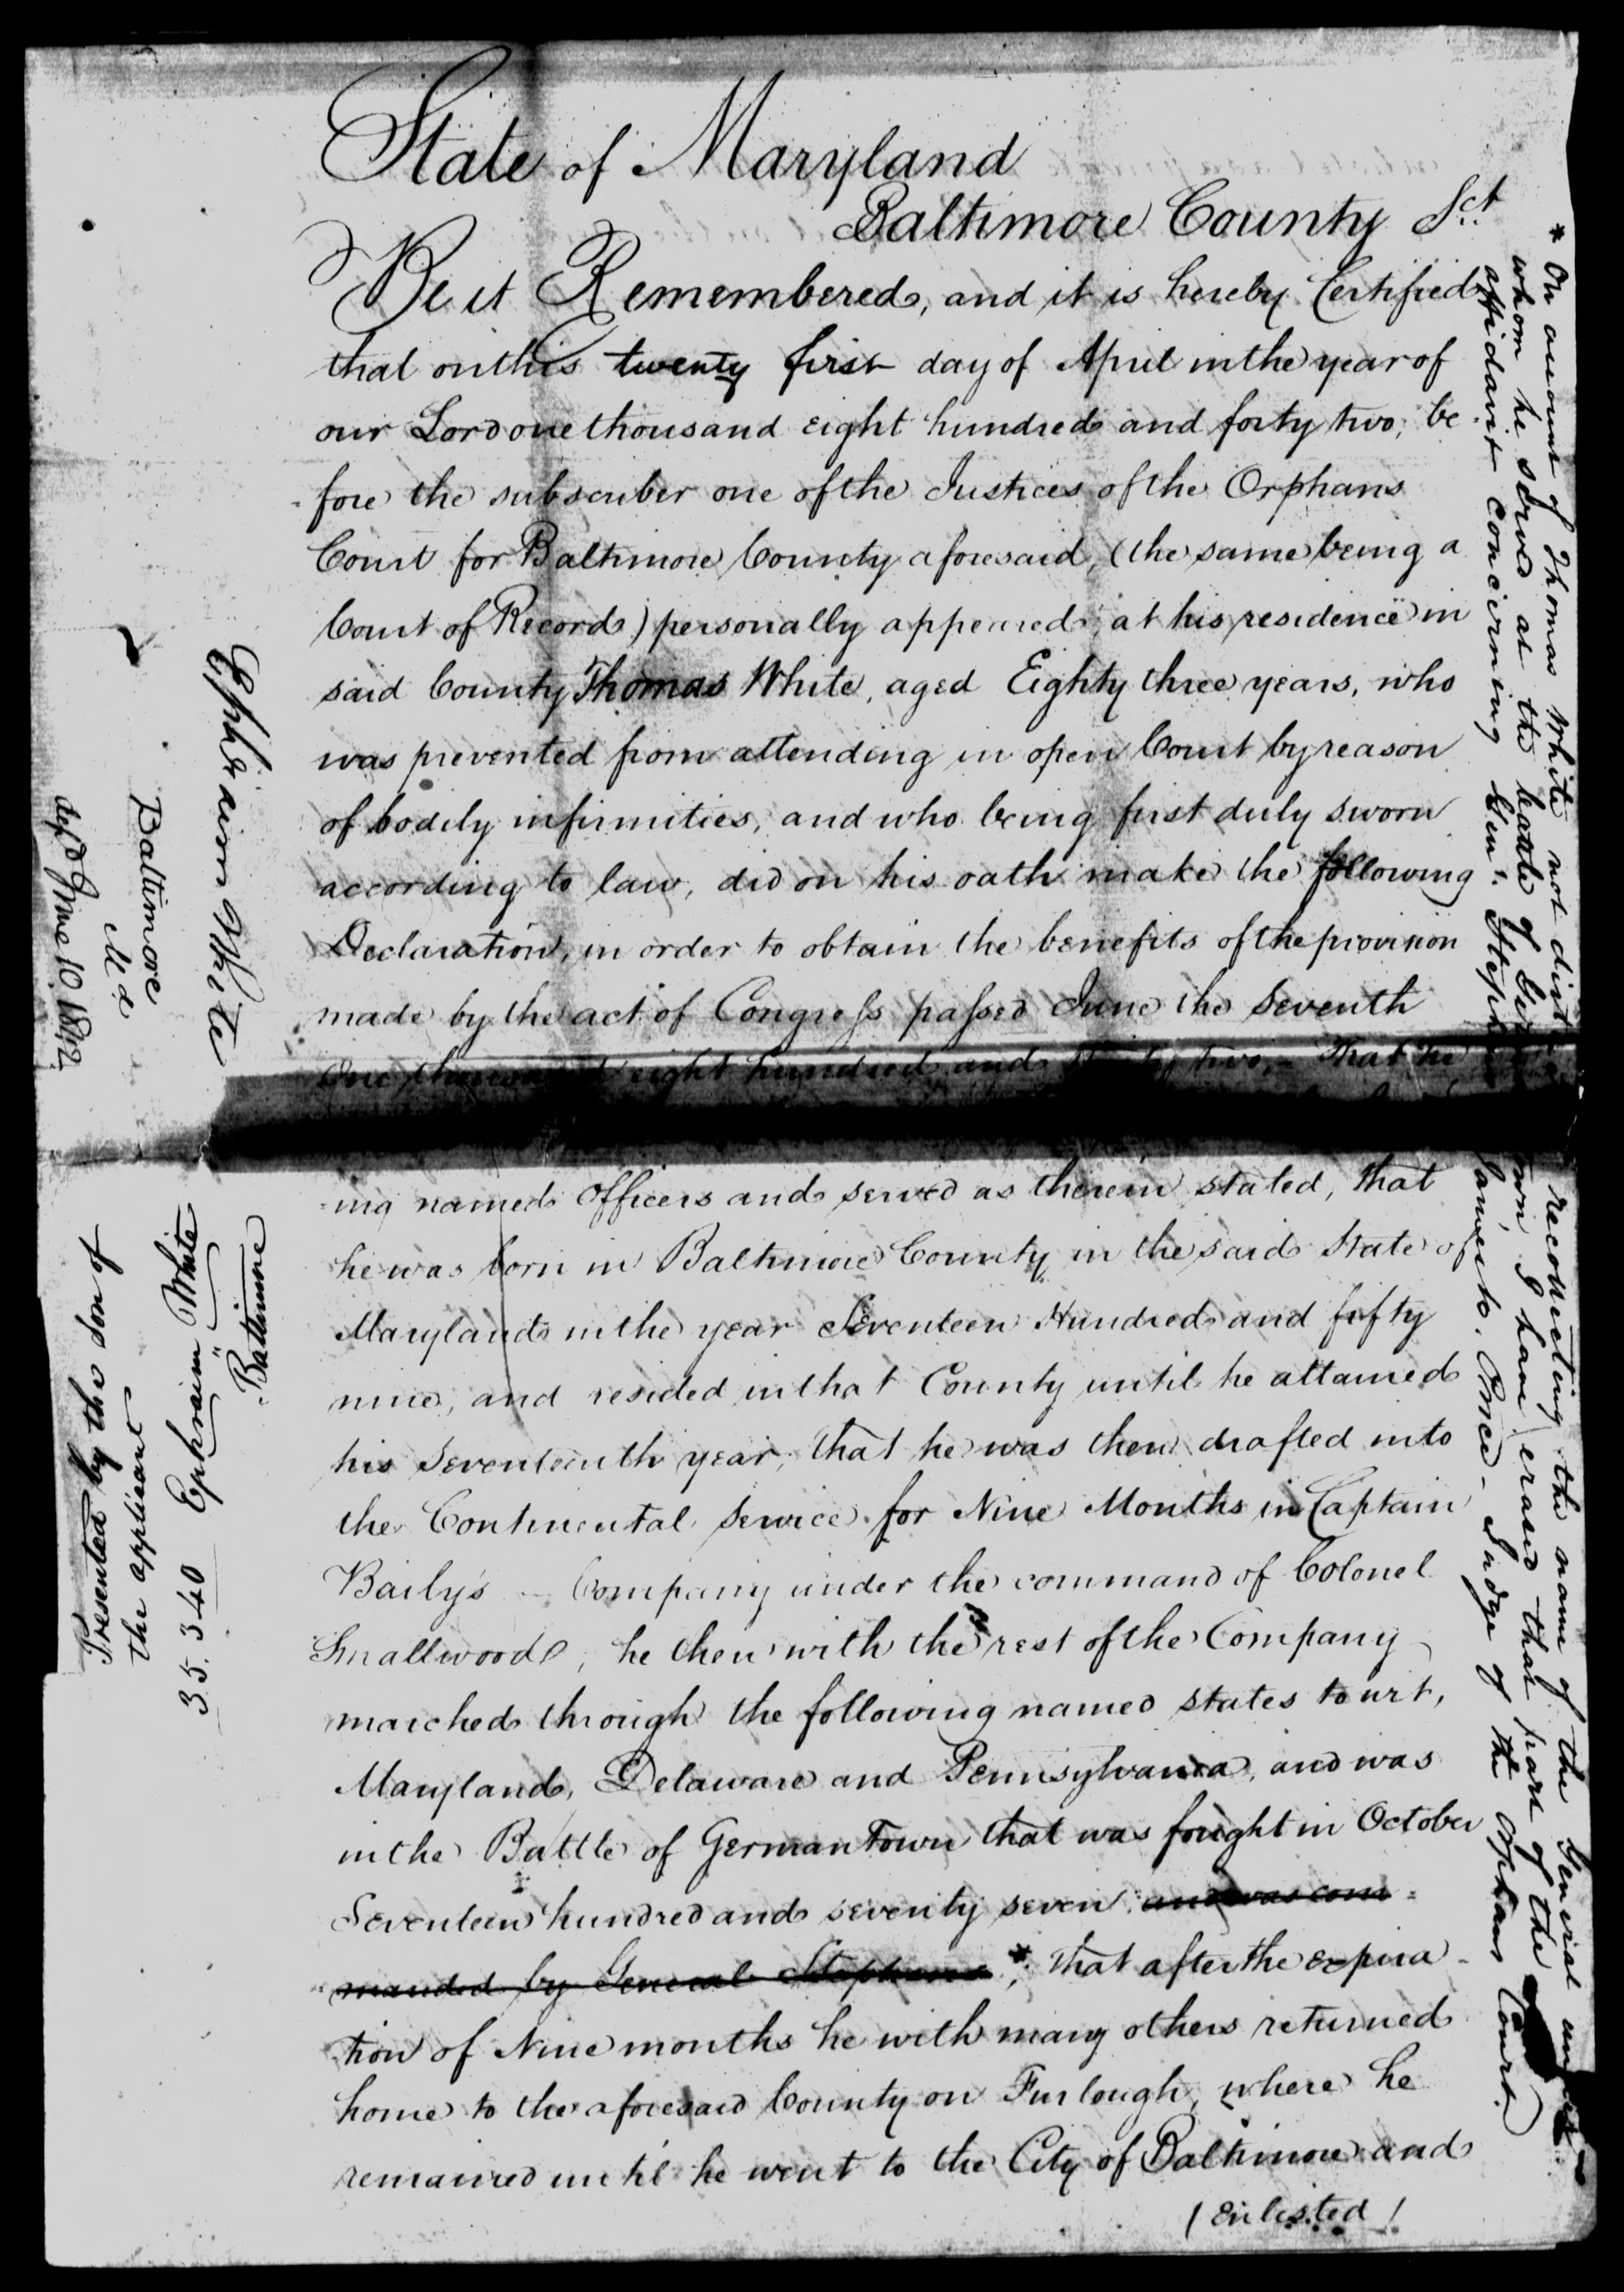Ephraim White
Baltimore, MD
[illegible] June 10, 1842

Presented by the Son of the applicant
35.340 Ephraim White Baltimore

State of Maryland
Baltimore County Sch
Be it Remembered and it is hereby certfied that on this twenty first day of April in the year of our Lord one thousand eight hundred and forty two, before the subscriber one of the Justices of the Orphans Court for Baltimore County aforesaid, (the same being a Court of Record) personally appeared at his residence in said County Thomas White, aged Eighty three years, who was prevented from attending in open Court by reason of bodily infirmities, and who being first duly sworn according to law did on his oath make the following Declaration in order to obtain the benefits of the provision made by the act of Congress passed June the Seventh One Thousand eight hundred and Forty Two, That he [illegible] ... named officers and served as therein stated, that he was born in Baltimore County in the said State of Maryland in the year Seventeen Hundred and fifty nine, and resided in that County until he attained his Seventeenth year, that he was then drafted into the Continental Services for nine months in Captain Baily's Company under the command of Colonel Smallwoods, he then with the rest of the Company marched through the following named states to with, Maryland, Delaware and Pennsylvania, and was in the Battle of German Town that was fought in October Seventeen hundred and seventy seven [crossed out - and was considered by General Stephens*] 

*[side bar of letter] On occassion of Thomas White not [illegible] recollecting the name of the General and whom he served at the battle of German Town, I have erased that phrase of the affidavit concerning General Stephens [illegible] of the [illegible] Court.

That after the expired how of nine months he was with many others returned home to the aforesaid County on Furlough, where he remained until he went to the City of Baltimore and enlisted.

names: James B Price, Thomas White, Ephraim White, Smallwood, Stephens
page: 3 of 43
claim: survivor's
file: S. 15240, Thomas White, Md.